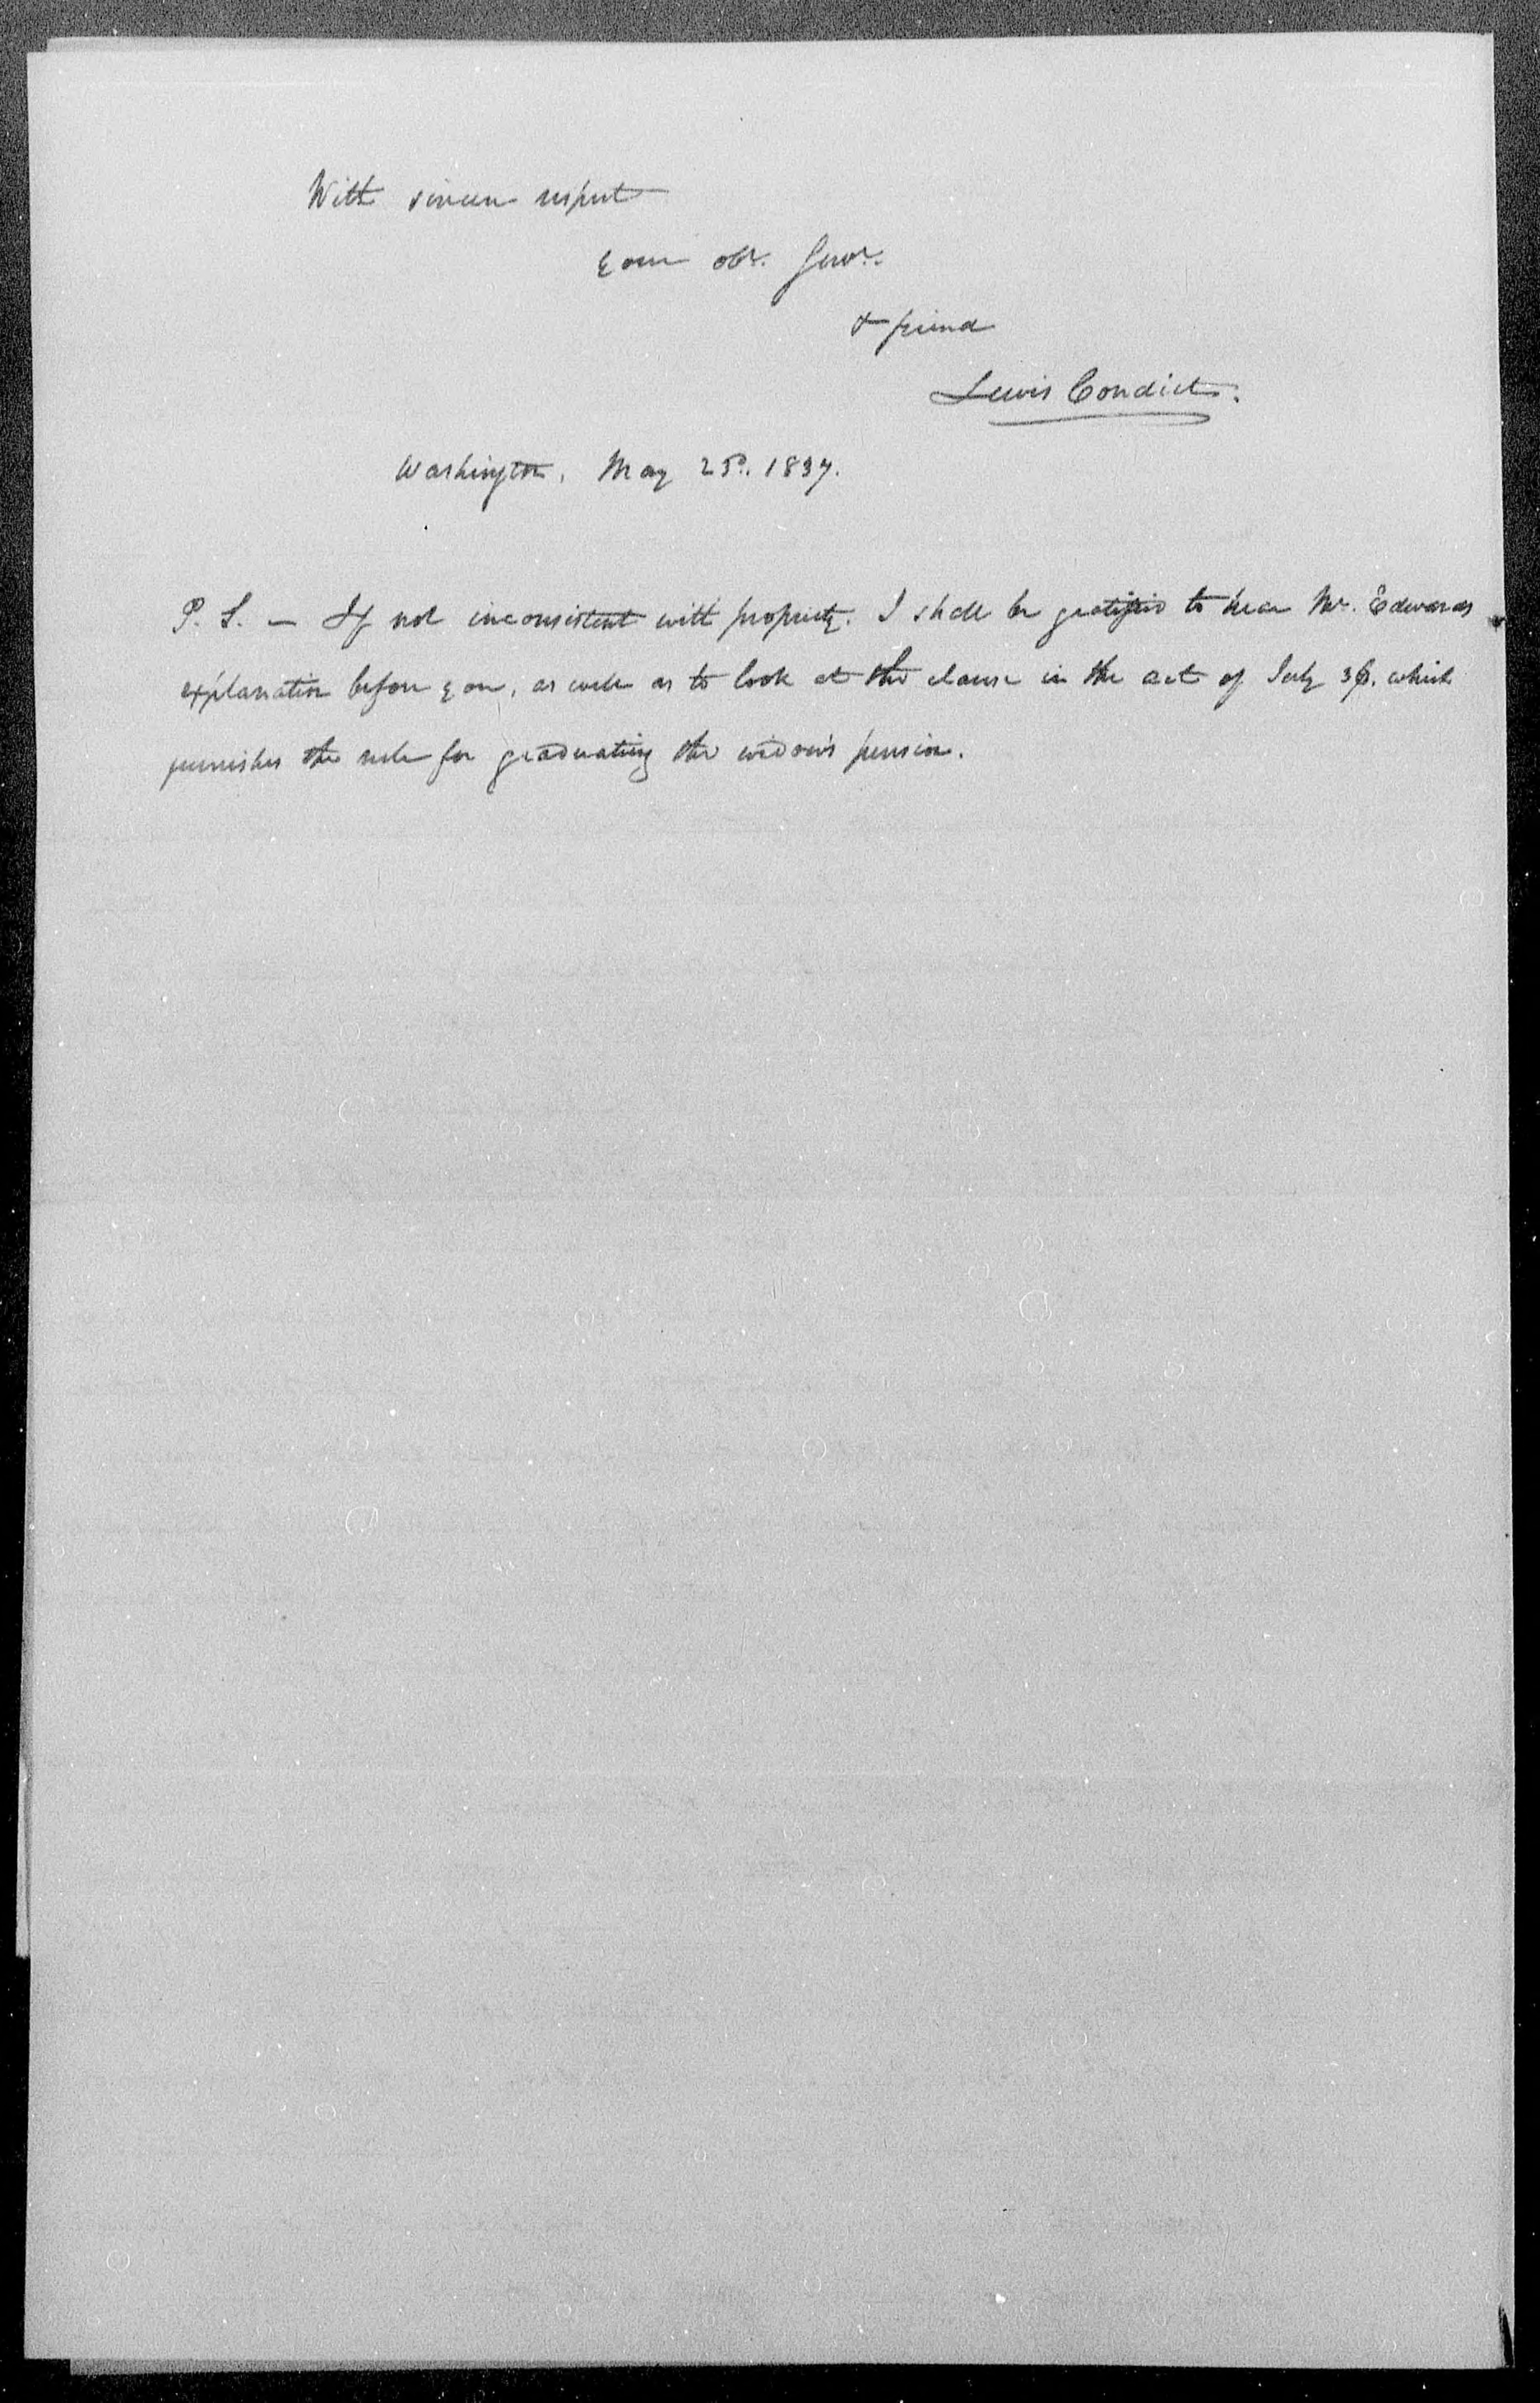With [?]
& friend
Lewis Condict

Washington, May 23, 1837

PS - If not inconsistent with propriety, I shall be gratified to have Mr. Edwards explanation before and[?] or work or to look at the claim is the act of July 36 which punishes the rule for graduating the window's pension.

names: Lewis Condict, Edwards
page: 27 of 38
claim: widow's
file: W. 6644, Jacob Casterline, New Jersey